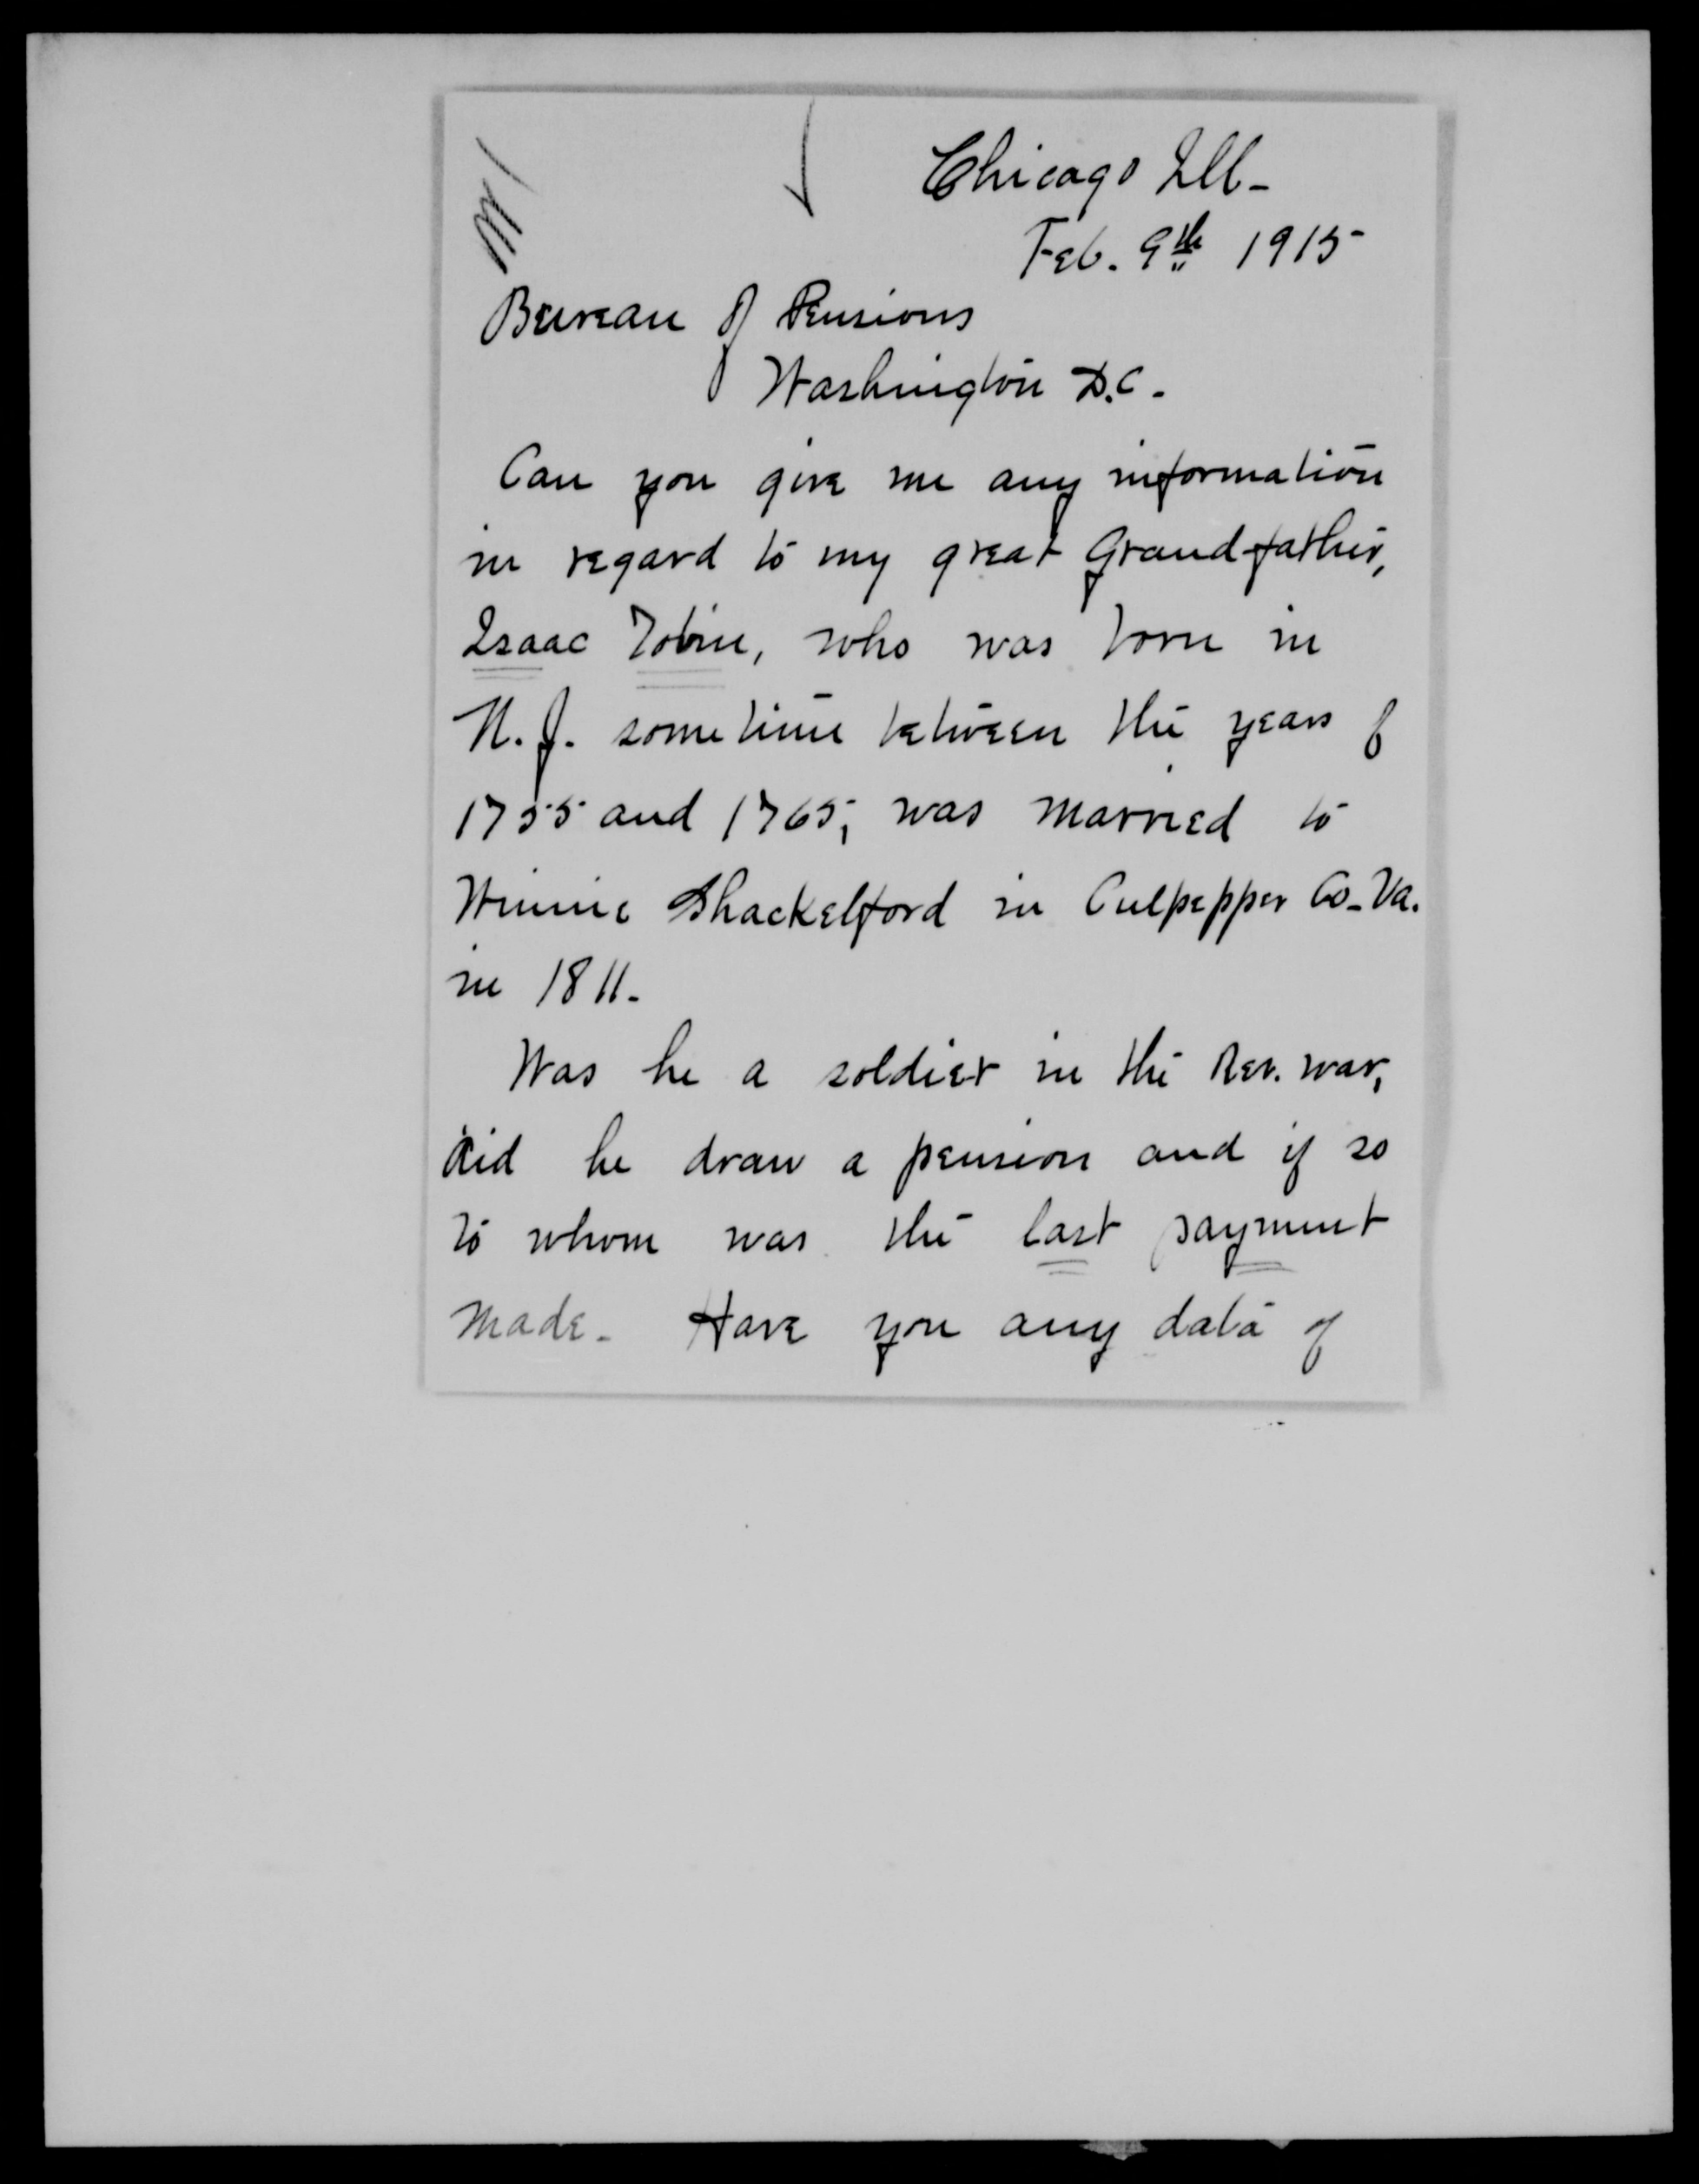Chicago Ill- Feb. 9th 1915
Bureau of Pensions Washington D.C.
Can you give me any information in regard to my great grandfather, Isaac Tobin, who was born in N.J. some time between the year of 1755 and 1765; was married to Winnie Shackelford in Culpepper Co. Va. in 1811. Was he a soldier in the Rev. War, did he draw a pension and if so to whom was the last payment made. Have you any data of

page: 18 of 25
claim: survivor's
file: S. 6258, for Isaac Tobin, New Jersey